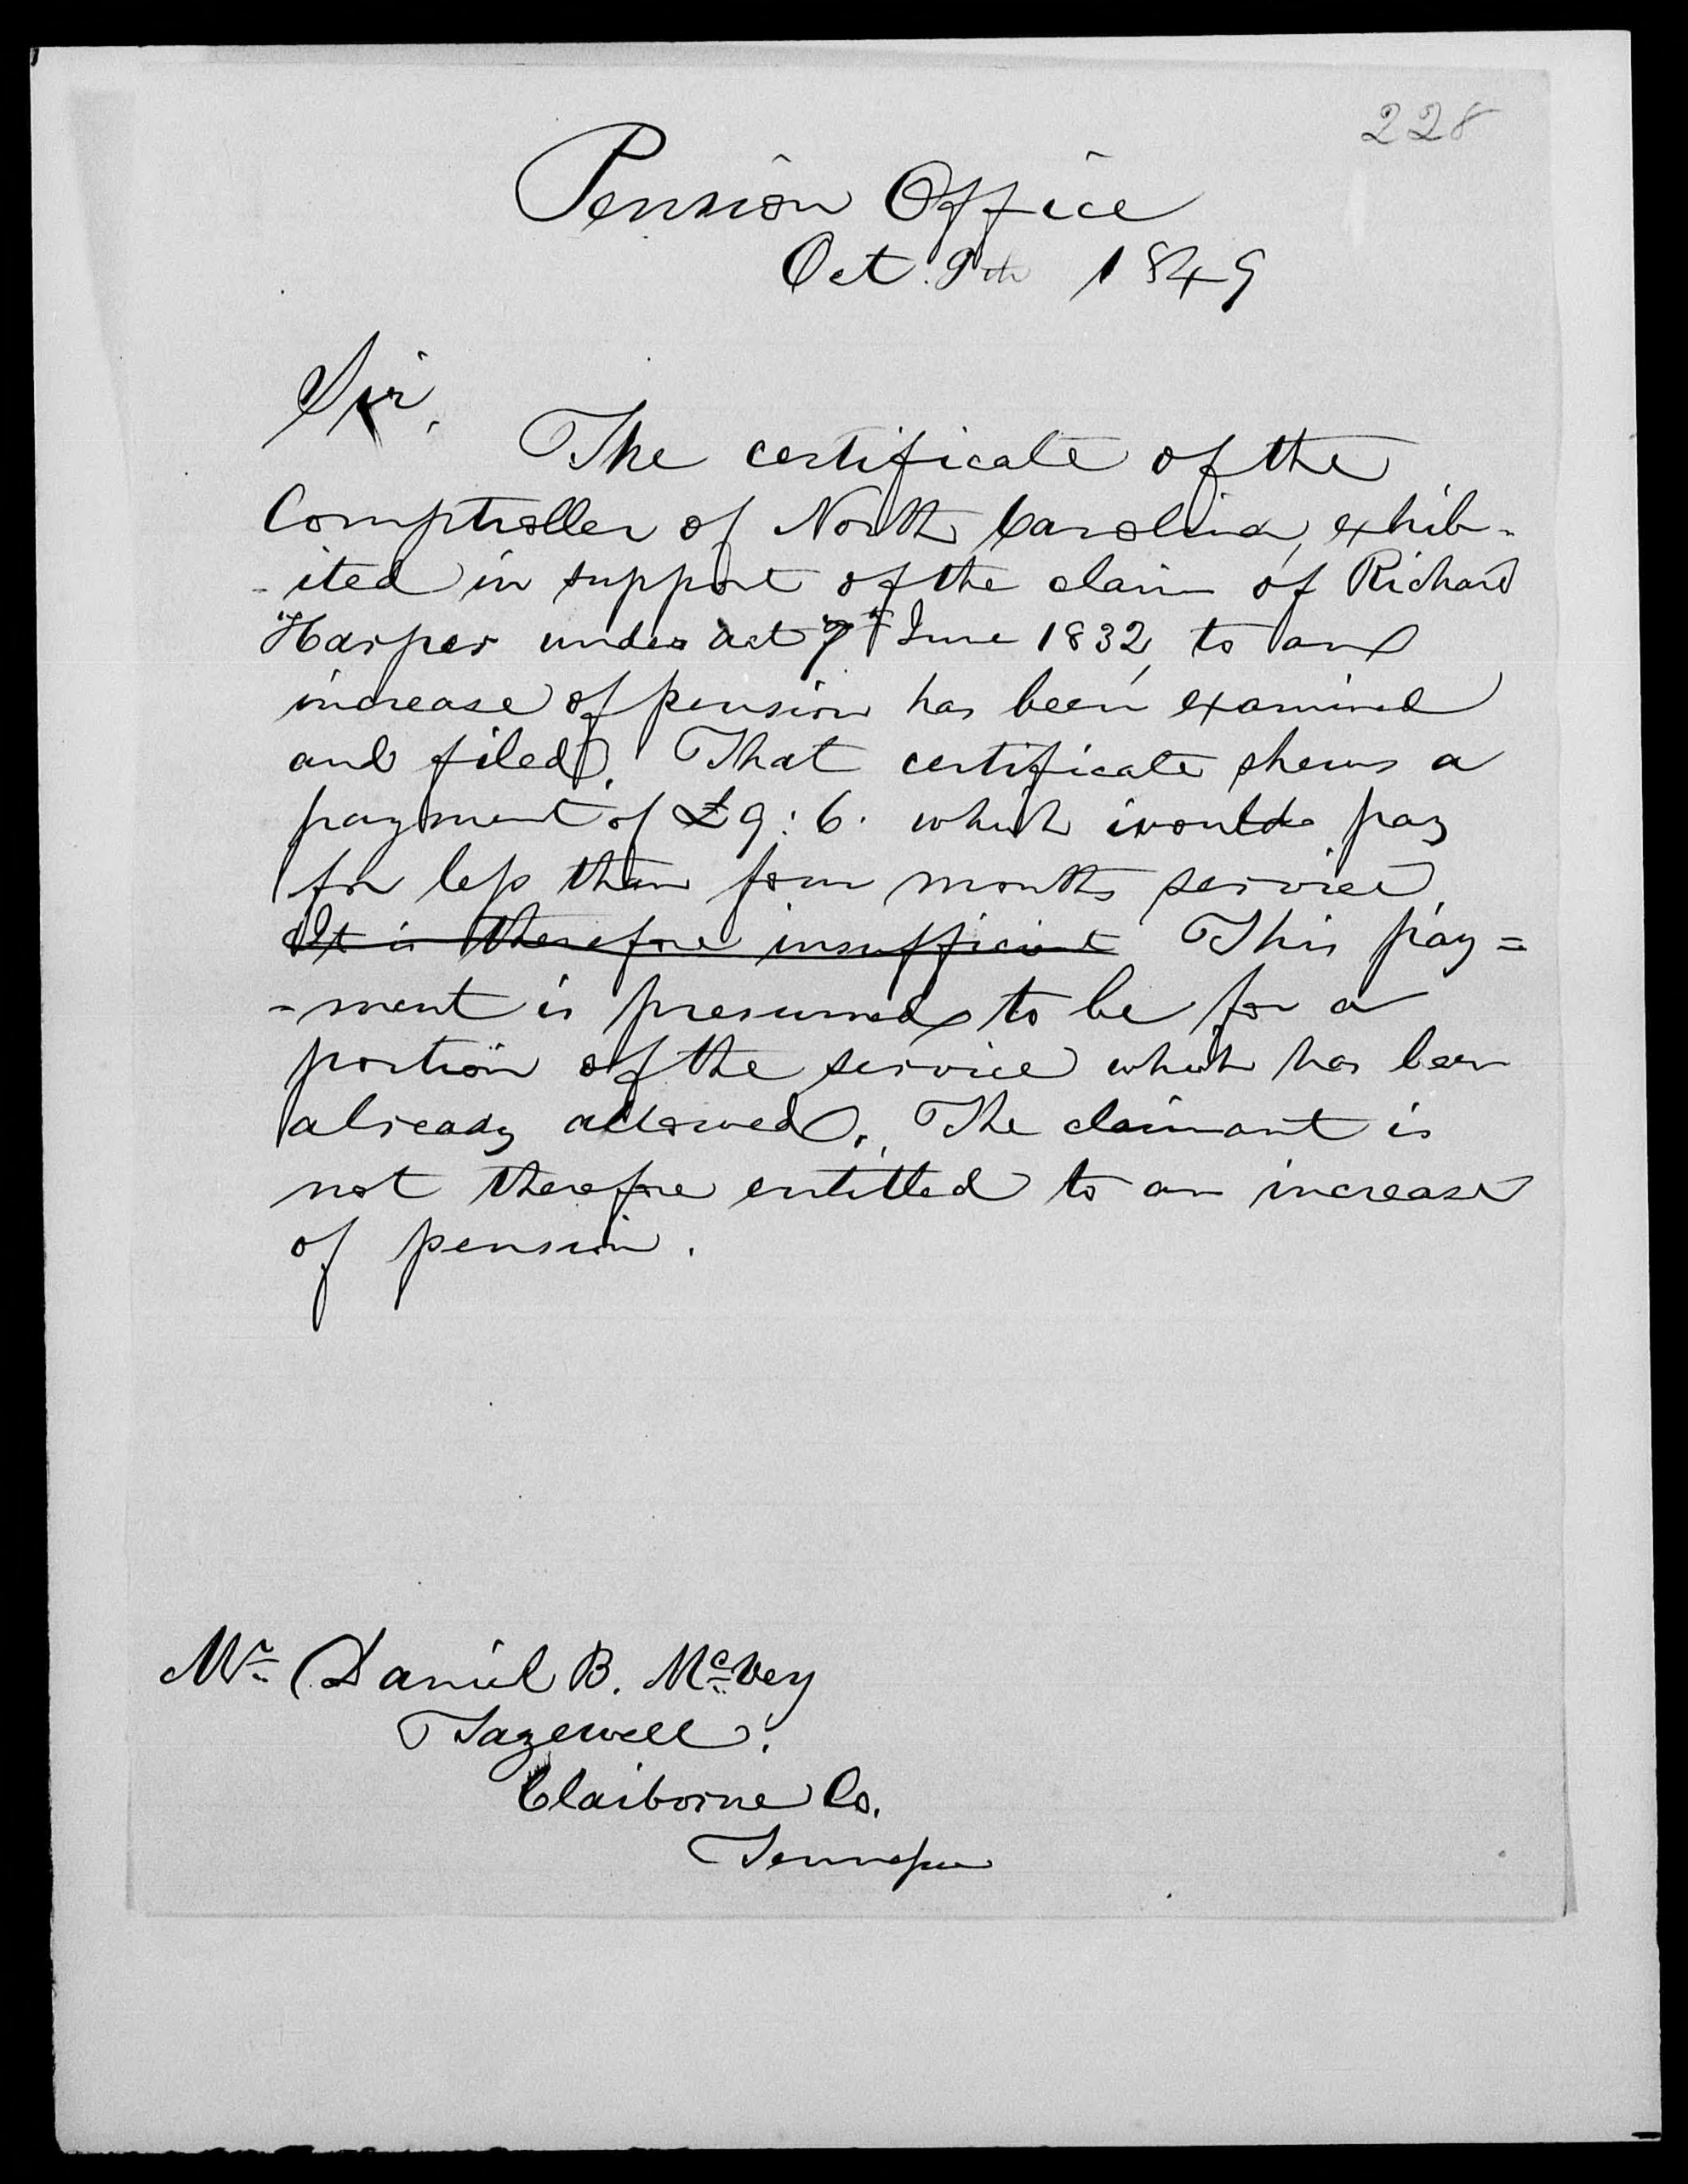228
Pension Office
Oct. 9th 1849

Sir,
The certificate of the comptroller of North Carolina exhibited in support of the claim of Richard Harper under act of June 1832 to an increase of pension has been examined and filed. That certificate shows a payment of £9:6 which would pay for less than four months service [It is therefore insufficient - CROSSED OUT] This payment is presumed to be for a portion of the service which has been already allowed. The claimant is therefore not entitled to an increase of pension. 

Mr. Daniel B. McVey
Tazewell
Claiborne Co.
Tennessee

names: Daniel B Mc Vey, Richard Harper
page: 35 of 81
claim: survivor's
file: S. 1908, Richard Harper, N.C.